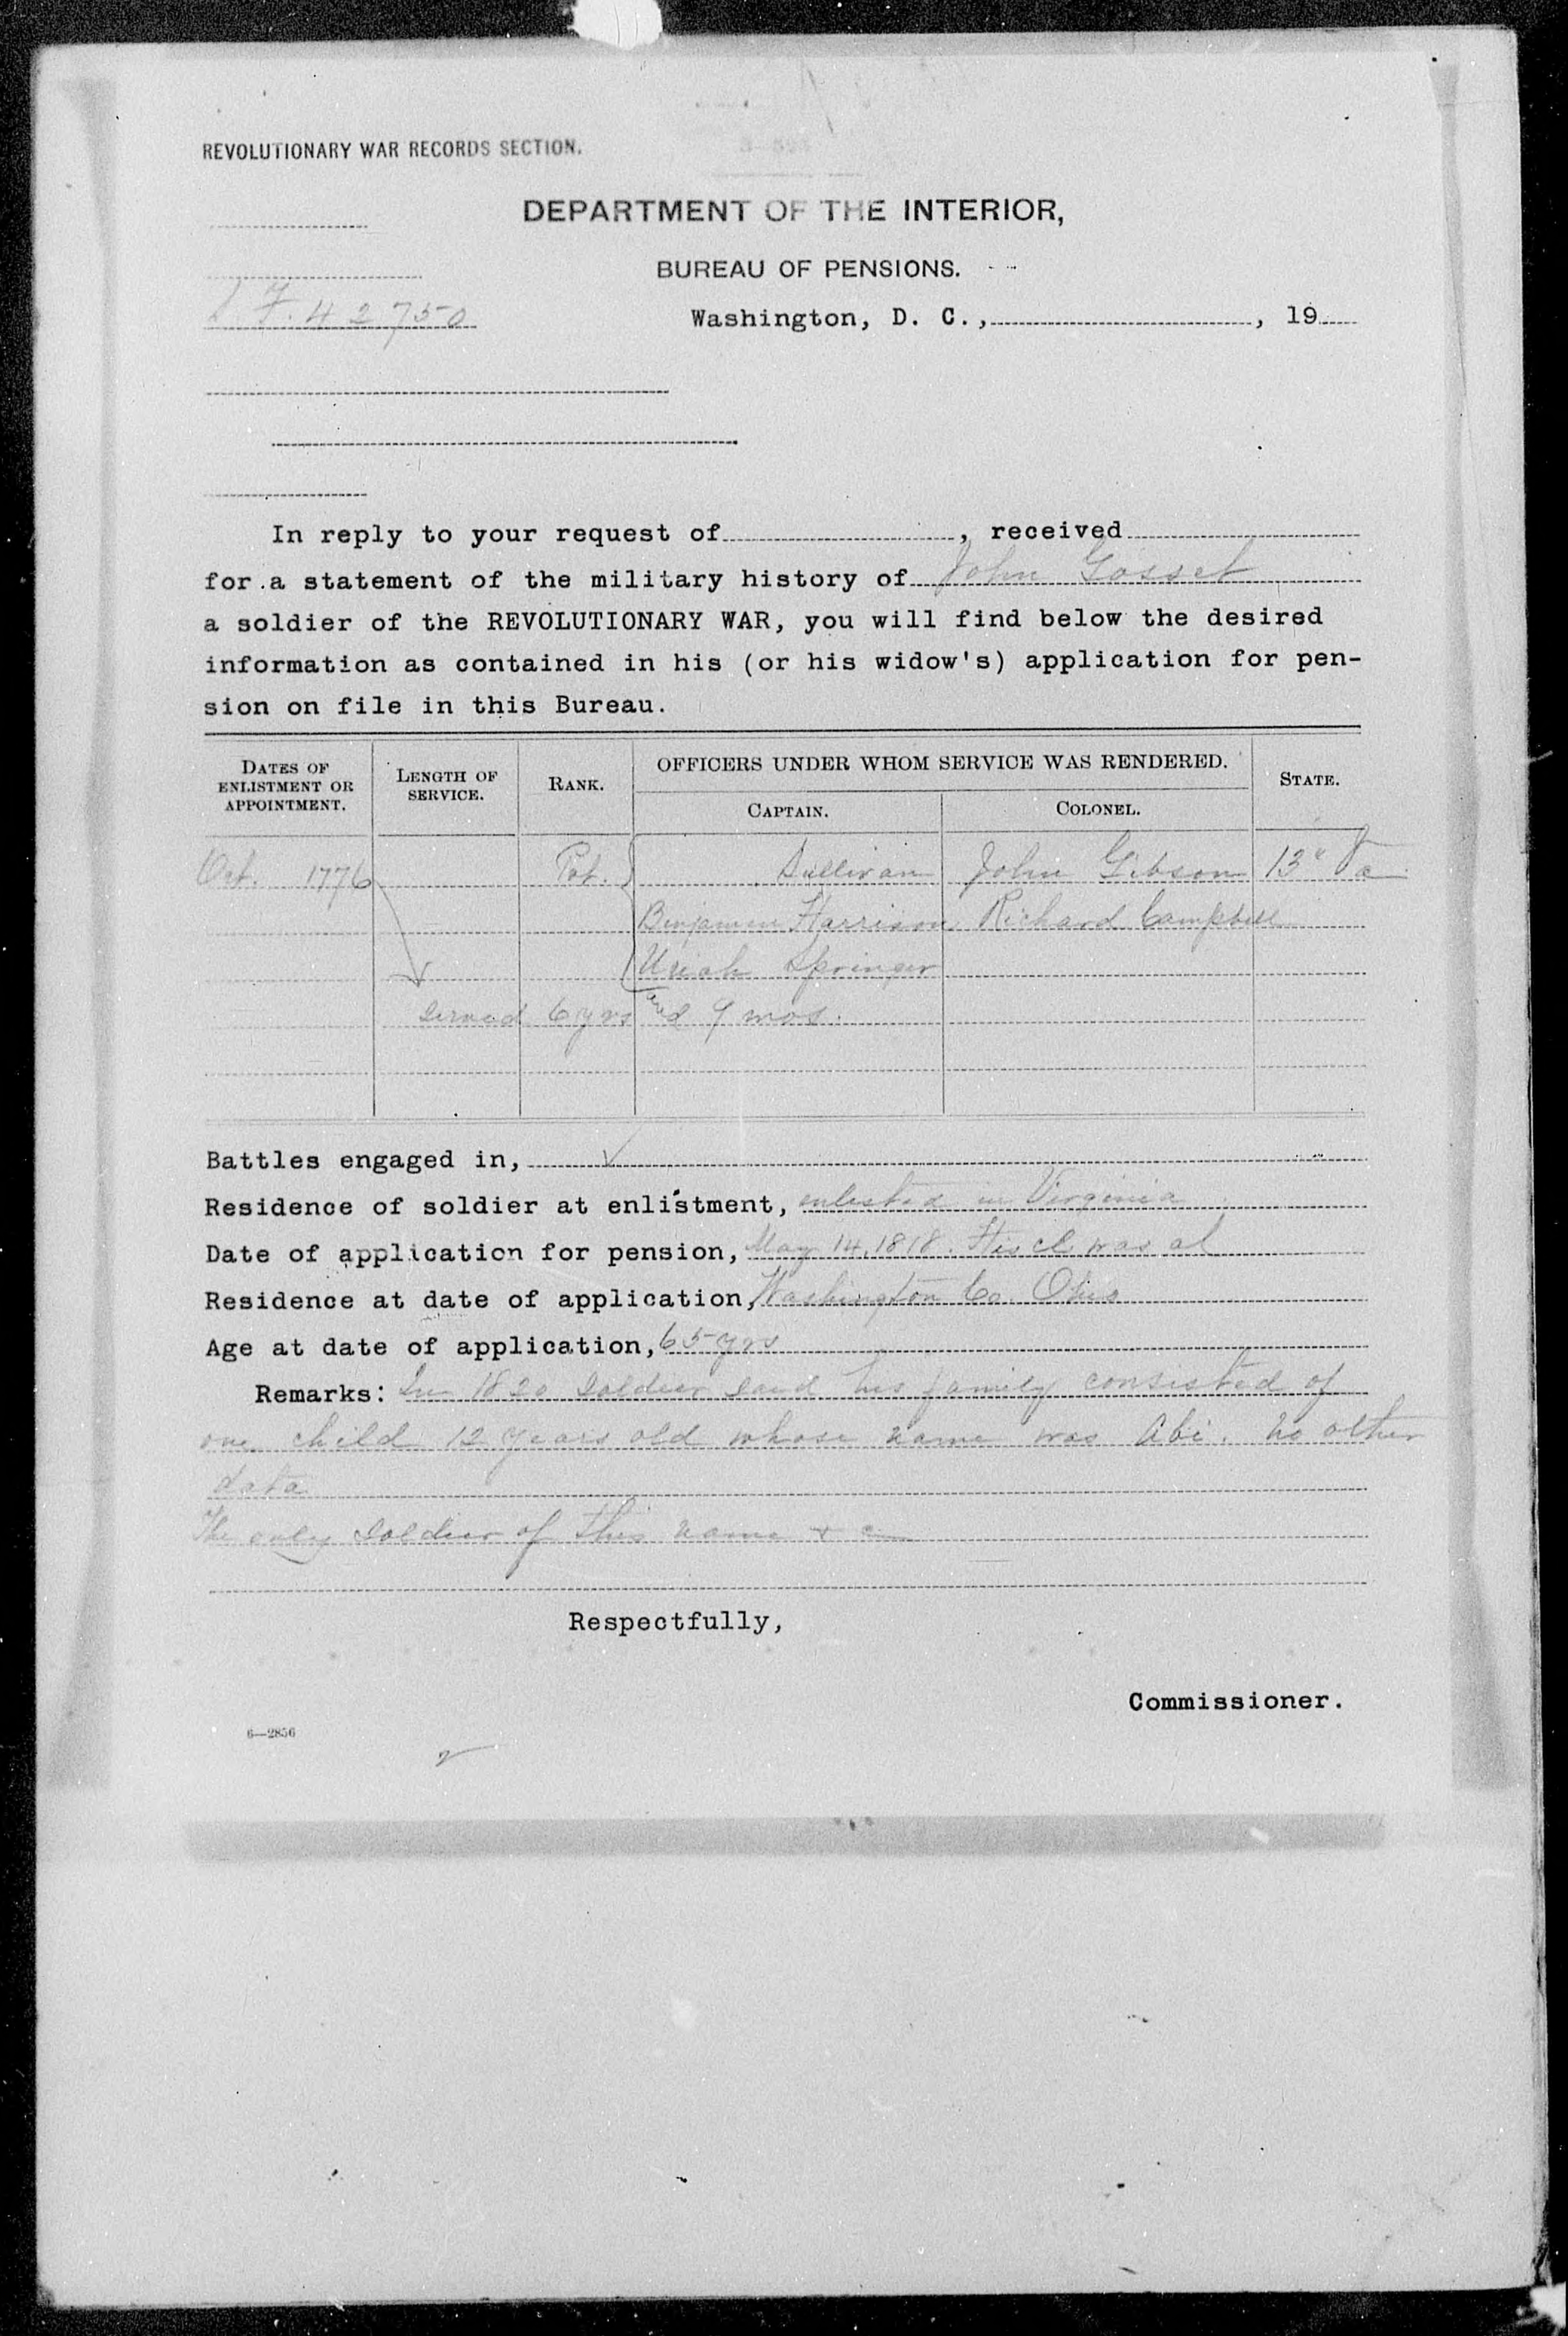[duplicate of previous page]

REVOLUTIONARY WAR RECORDS SECTION.
[letterhead]
DEPARTMENT OF THE INTERIOR,
BUREAU OF PENSIONS
Washington, D. C., ..., 19...
S. 7.42450
___
In reply to your request of___, received___ for a statement of the military history of John Gosset a soldier of the REVOLUTIONARY WAR, you will find below the desired information as contained in his (or his widow's) application for pension on file in this Bureau.
[list]
DATES OF ENLISTMENT OR APPOINTMENT.
Oct. 1776 |
LENGTH OF SERVICE. 
Served 6 yrs and 9 mos .|
RANK. 
Pvt. |
OFFICERS UNDER WHOM SERVICE WAS RENDERED.
CAPTAIN.
Sullivan
Benjamin Harrison
Uriah Springer |
COLONEL.
John Gibson
Richard Campbell |
STATE.
13th Va
[end list]
Battles engaged in, [check mark]
Residence of soldier at enlistment, enlisted in Virginia
Date of application for pension, May 14 1818. His cl was at
Residence at date of application, Washington Co Ohio
Age at date of application, 65 yrs
Remarks: In 1820 Soldier said his family consisted of one child 12 years old whose name was Abi. his no other data
The only soldier of this name & c
Respectfully, [blank]
Commissioner.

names: John Gibson, Abi, Sullivan, Benjamin Harrison, Richard Campbell, John Gosset, Uriah Springer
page: 11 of 21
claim: survivor's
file: S. 42,750, John Gosset, Va.